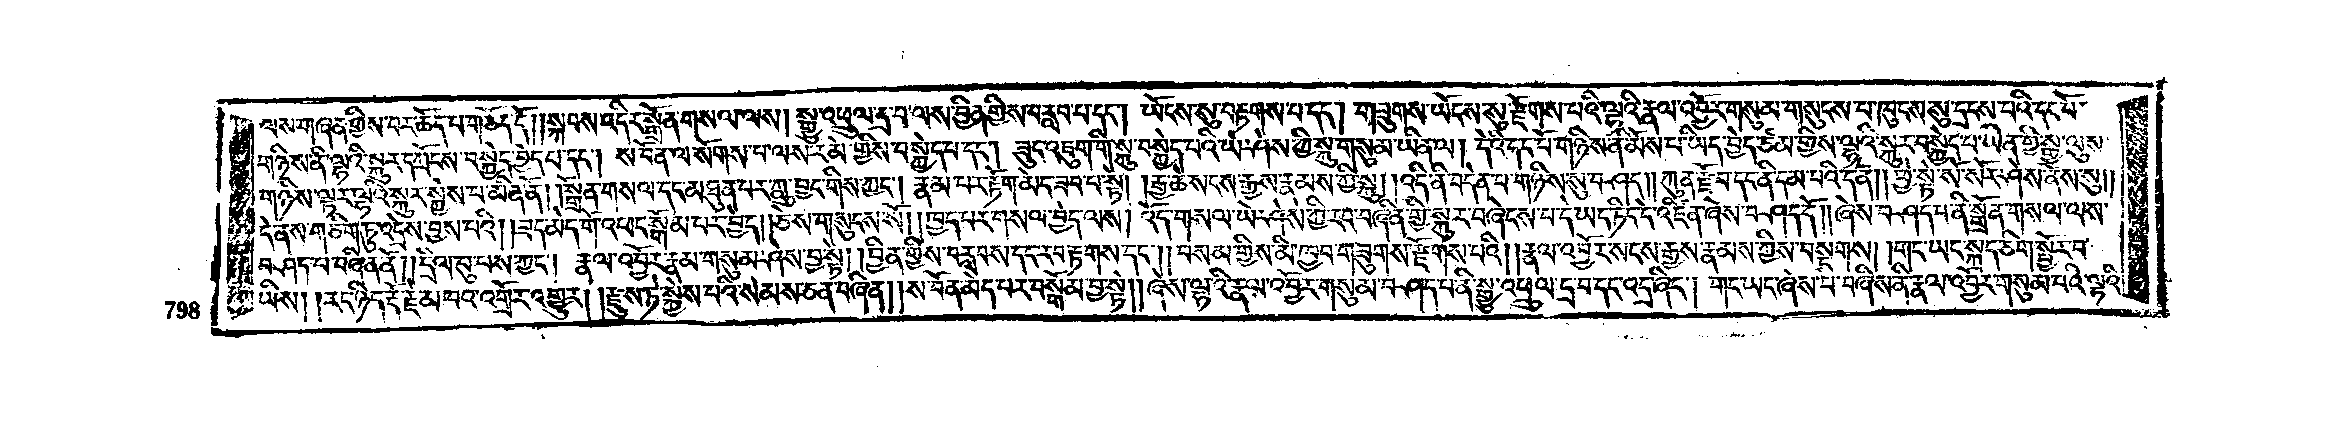ལ་ས་གཞན་གྱིས་བར་ཆོད་པ་གཅོད་དོ། །སྐབས་འདིར་སྒྲོན་གསལ་ལས། སྒྱུ་འཕྲུལ་དྲ་བ་ལས་བྱིན་གྱིས་བརླབ་པ་དང་། ཡོངས་སུ་བརྟགས་པ་དང་། གཟུགས་ཡོངས་སུ་རྫོགས་པའི་ལྷའི་རྣལ་འབྱོར་གསུམ་གསུངས་པ་ཁུངས་སུ་དྲངས་པའི་དང་པོ་
གཉིས་ནི་ལྷའི་སྐུར་དཀྲོངས་བསྐྱེད་བྱེད་པ་དང་། ས་བོན་ལ་སོགས་པ་ལས་རིམ་གྱིས་བསྐྱེད་པ་དང་། ཟུང་འཇུག་གི་སྐུ་བསྐྱེད་པའི་ཡེ་ཤེས་ཀྱི་སྐུ་གསུམ་ཡིན་ལ། དེའི་དང་པོ་གཉིས་ནི་མོས་པ་ཡིད་བྱེད་ཙམ་གྱིས་ལྷའི་སྐུར་བསྐྱེད་པ་ཡིན་གྱི་སྒྱུ་ལུས་
གཉིས་ལྟར་ལྷའི་སྐུར་སྐྱེས་པ་མིན་ནོ། །སྒྲོན་གསལ་དང་མཐུན་པར་ཀླུ་བྱང་གིས་ཀྱང་། རྣམ་པར་རྟོག་མེད་ཟབ་པ་སྟེ། །རྒྱ་ཆེ་སངས་རྒྱས་རྣམས་ཀྱི་སྐུ། །འདི་ནི་བདེན་པ་གཉིས་སུ་བཤད། །ཀུན་རྫོབ་དང་ནི་དམ་པའི་དོན། །ཕྱེ་སྟེ་སོ་སོར་ཤེས་ནས་སུ། །
དེ་ནས་གཅིག་ཏུ་འདྲེས་བྱས་པའི། །ཟད་མེད་གོ་འཕང་སྒོམ་པར་བྱེད། །ཅེས་གསུངས་སོ། །ཁྱད་པར་གསལ་བྱེད་ལས། འོད་གསལ་ཡེ་ཤེས་ཀྱི་རང་བཞིན་གྱི་སྐུར་བཞེངས་པ་དེ་ཡང་ཏིང་ངེ་འཛིན་ཞེས་བཤད་དོ། །ཞེས་བཤད་པ་ནི་སྒྲོན་གསལ་ལས་
བཤད་པ་བཞིན་ནོ། །དྲིལ་བུ་པས་ཀྱང་། རྣལ་འབྱོར་རྣམ་གསུམ་ཤེས་བྱ་སྟེ། །བྱིན་གྱིས་བརླབས་དང་རབ་རྟགས་དང་། །བསམ་གྱིས་མི་ཁྱབ་གཟུགས་རྫོགས་པའི། །རྣལ་འབྱོར་སངས་རྒྱས་རྣམས་ཀྱིས་བསྔགས། །གང་ཡང་སྐད་ཅིག་སྦྱོར་བ་
ཡིས། །རང་ཉིད་རྡོ་རྗེ་མཁའ་འགྲོར་འགྱུར། །རྫུས་ཏེ་སྐྱེས་པའི་སེམས་ཅན་བཞིན། །ས་བོན་མེད་པར་བསྒོམ་བྱ་སྟེ། །ཞེས་ལྷའི་རྣལ་འབྱོར་གསུམ་བཤད་པ་ནི་སྒྱུ་འཕྲུལ་དྲ་བ་དང་འདྲ་ཞིང་། གང་ཡང་ཞེས་པ་བཞིས་ནི་རྣལ་འབྱོར་གསུམ་པའི་ལྷའི་